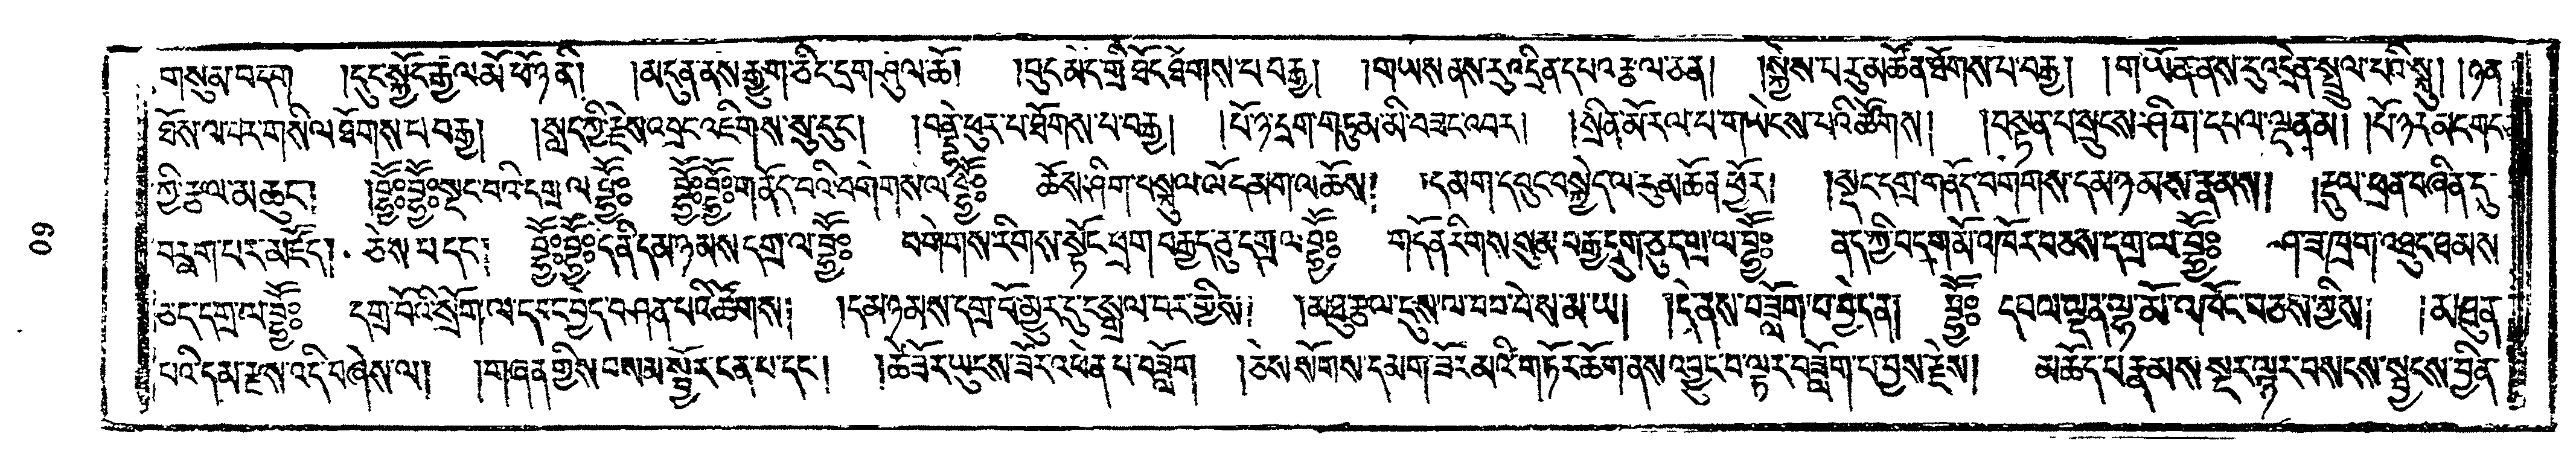གསུམ་བདག །དུང་སྐྱོང་རྒྱལ་མོ་ཕོ་ཉ་ནི། །མདུན་ནས་རྒྱུག་ཅིང་དྲག་ཤུལ་ཆོ། །བུད་མེད་གྲི་ཐོད་ཐོགས་པ་བརྒྱ། །གཡས་ནས་རུ་འདྲིན་དཔའ་རྩ་ལ་ཅན། །སྐྱེས་པ་རུ་མཚོན་ཐོགས་པ་བརྒྱ། །གཡོན་ནས་རུ་འདྲེན་སྤྲུལ་པའི་སྐུ། །ཉན་
ཐོས་ལ་བར་གསིལ་ཐོགས་པ་བརྒྱ། །སླད་ཀྱི་རྗེས་འབྲང་འཇིགས་སུ་དུང་། །བནྡྷེ་ཕུར་པ་ཐོགས་པ་བརྒྱ། །པོ་ཉ་དྲག་གཏུམ་མི་བཟང་འབར། །སྲིན་མོ་རལ་པ་གཡེངས་པའི་ཚོགས། །བསྟན་པ་སྲུངས་ཤིག་དཔལ་ལྡན་མ། །པོ་ཉར་མང་གང་
ཀྱི་རྩལ་མ་ཆུང་། །བྷྱཽཿ བྷྱཽཿ སྡང་བའི་དགྲ་ལ་བྷྱཽཿ བྷྱཽཿ བྷྱཽཿ གནོད་བའི་བགེགས་ལ་བྷྱཽཿ ཆོས་ཤིག་བསྐུལ་ལོ་དམག་ལ་ཆོས། །དམག་དབུང་བསྐྱེད་ལ་རུ་མཆོན་ཕྱོར། །སྡང་དགྲ་གནོད་བགེགས་དམ་ཉམས་རྣམས། །རྡུལ་ཕྲན་བཞིན་དུ་
བརླག་པར་མཛོད། ཅེས་པ་དང་། བྷྱཽཿ བྷྱཽཿ དེ་ནི་དམ་ཉམས་དགྲ་ལ་བྷྱཽཿ བགེགས་རིགས་སྟོང་ཕྲག་བརྒྱད་ཅུ་དགྲ་ལ་བྷྱཽཿ གདོན་རིགས་སུམ་བརྒྱ་དྲུག་ཅུ་དགྲ་ལ་བྷྱཽཿ ནད་ཀྱི་བདག་མོ་འཁོར་བཅས་དགྲ་ལ་བྷྱཽཿ ཤ་ཟ་ཁྲག་འཐུང་ཐམས་
ཅད་དགྲ་ལ་བྷྱཽཿ དགྲ་བོའི་སྲོག་ལ་དབང་བྱེད་བཤན་པའི་ཚོགས། །དམ་ཉམས་དགྲ་བོ་མྱུར་དུ་བསྒྲལ་བར་གྱིས། །མཐུ་རྩལ་དུས་ལ་བབ་བེ་ས་མ་ཡ། །དེ་ནས་བཟློག་བ་བྱེད་ན། བྷྱཽཿ དབལ་ལྡན་ལྷ་མོ་འཁོང་བཅས་ཀྱིས། །མཐུན་
པའི་དམ་རྫས་འདི་བཞེས་ལ། །གཞན་གྱིས་བསམ་སྦྱོར་ངན་པ་དང་། །ཚེ་ཟོར་ཡུངས་ཟོར་འཕེན་པ་བཟློག །ཅེས་སོགས་དམག་ཟོར་མའི་གཏོར་ཆོག་ནས་འབྱུང་བ་ལྟར་བཟློག་པ་བྱས་རྗེས། མཆོད་པ་རྣམས་སྔར་ལྙར་བསངས་སྦྱངས་བྱིན་